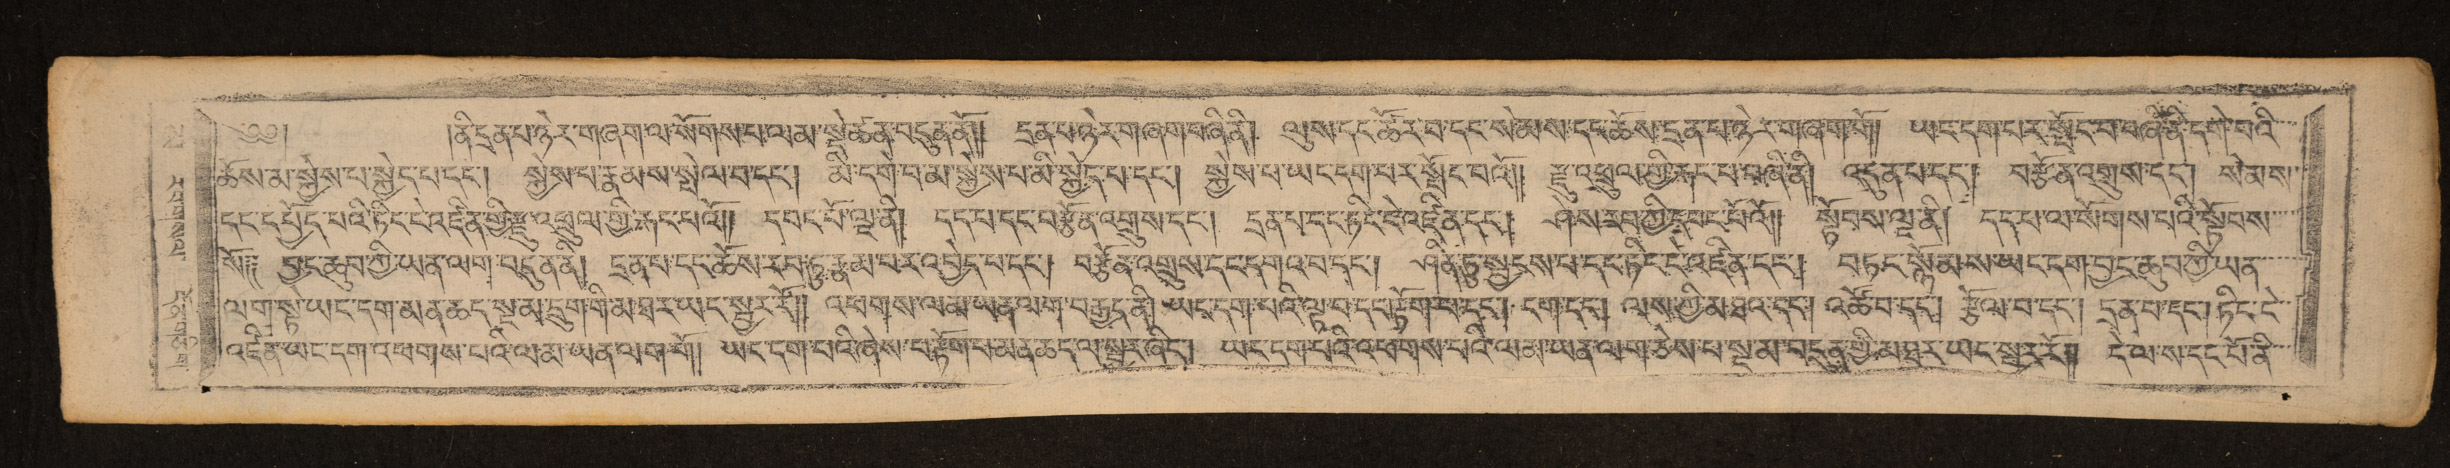༄༅། །ནི་དྲན་པ་ཉེར་གཞག་ལ་སོགས་པ་ལམ་སྡེ་ཚན་བདུན་ནོ།། དྲན་པ་ཉེར་གཞག་བཞི་ནི། ལུས་དང་ཚོར་བ་དང་སེམས་དང་ཆོས་དྲན་པ་ཉེར་གཞག་གོ། ཡང་དག་པར་སྤོང་བ་བཞི་ནི་དགེ་བའི་
ཆོས་མ་སྐྱེས་པ་སྐྱེད་པ་དང་། སྐྱེས་པ་རྣམས་སྤེལ་བ་དང་། མི་དགེ་བ་མ་སྐྱེས་པ་མི་སྐྱེད་པ་དང་། སྐྱེས་པ་ཡང་དག་པར་སྤོང་བའོ།། རྫུ་འཕྲུལ་གྱི་རྐང་པ་བཞི་ནི། འདུན་པ་དང་། བརྩོན་འགྲུས་དང་། སེམས་
དང་དཔྱོད་པའི་ཏིང་ངེ་འཛིན་གྱི་རྫུ་འཕྲུལ་གྱི་རྐང་པའོ།། དབང་པོ་ལྔ་ནི། དད་པ་དང་བརྩོན་འགྲུས་དང་། དྲན་པ་དང་ཏིང་ངེ་འཛིན་དང་། ཤེས་རབ་ཀྱི་དབང་པོའོ།། སྟོབས་ལྔ་ནི། དད་པ་ལ་སོགས་པའི་སྟོབས་
སོ།། བྱང་ཆུབ་ཀྱི་ཡན་ལག་བདུན་ནི། དྲན་པ་དང་ཆོས་རབ་ཏུ་རྣམ་པར་འབྱེད་པ་དང་། བརྩོན་འགྲུས་དང་དགའ་བ་དང་། ཤིན་ཏུ་སྦྱངས་པ་དང་ཏིང་ངེ་འཛིན་དང་། བཏང་སྙོམས་ཡང་དག་བྱང་ཆུབ་ཀྱི་ཡན་
ལག་སྟེ་ཡང་དག་མན་ཆད་སྔ་མ་དྲུག་གི་མཐར་ཡང་སྦྱར་རོ།། འཕགས་ལམ་ཡན་ལག་བརྒྱད་ནི། ཡང་དག་པའི་ལྟ་བ་དང་རྟོག་པ་དང་། ངག་དང་། ལས་ཀྱི་མཐའ་དང་། འཚོ་བ་དང་། རྩོལ་བ་དང་། དྲན་པ་དང་། ཏིང་ངེ་
འཛིན་ཡང་དག་འཕགས་པའི་ལམ་ཡན་ལག་གོ། ཡང་དག་པའི་ཞེས་པ་རྟོག་པ་མན་ཆད་ལ་སྦྱར་ཞིང་། ཡང་དག་པའི་འཕགས་པའི་ལམ་ཡན་ལག་ཅེས་པ་སྔ་མ་བདུན་གྱི་མཐར་ཡང་སྦྱར་རོ།། དེ་ལ་ས་དང་པོ་ནི་